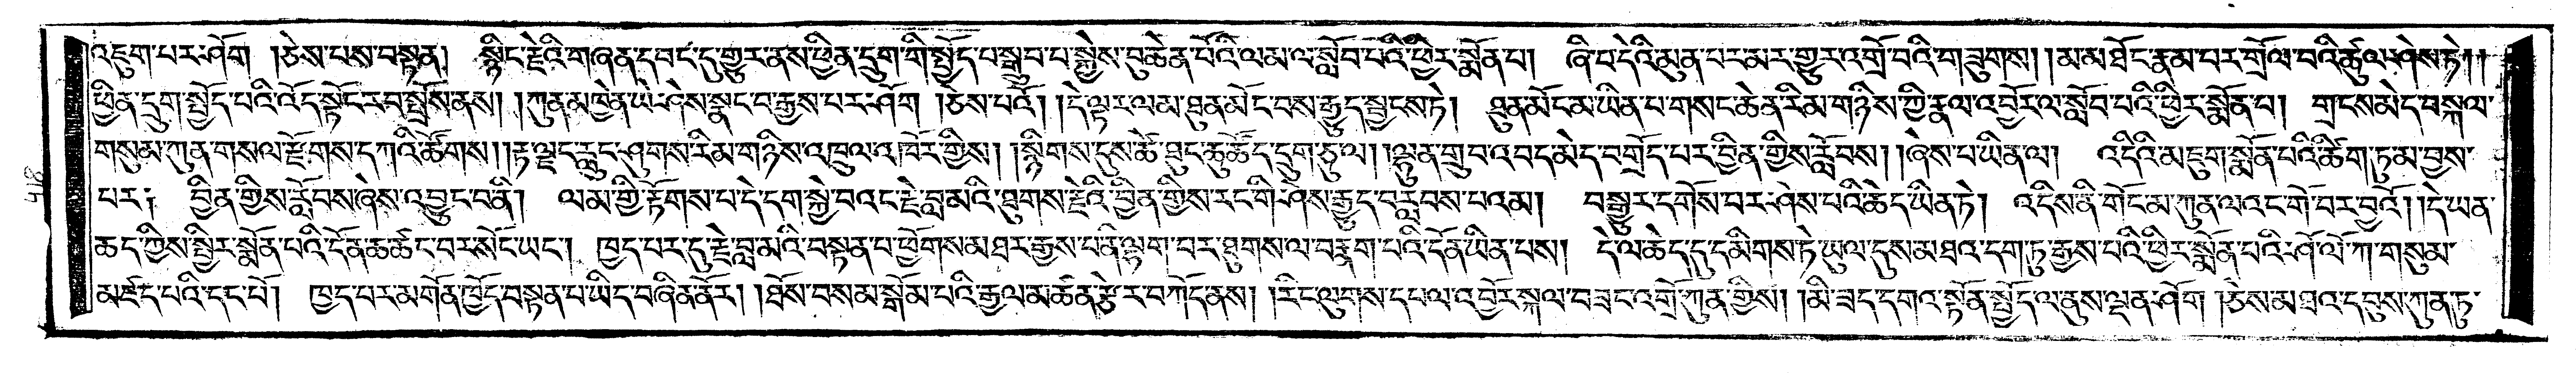འཇུག་པར་ཤོག །ཅེས་པས་བསྟན། སྙིང་རྗེའི་གཞན་དབང་དུ་གྱུར་ནས་ཕྱིན་དྲུག་གི་སྤྱོད་པ་སྒྲུབ་པ་སྐྱེས་བུ་ཆེན་པོའི་ལམ་ལ་སློབ་པའི་ཕྱིར་སྨོན་པ། ཞི་བ་དེའི་མུན་པར་མར་གྱུར་འགྲོ་བའི་གཟུགས། །མ་མཐོང་རྣམ་བར་གྲོལ་བའི་ཚུལ་ཤེས་ཏེ།།
ཕྱིན་དྲུག་སྤྱོད་པའི་འོད་སྟོང་རབ་སྤྲོས་ནས། །ཀུན་མཁྱེན་ཡེ་ཤེས་སྣང་བ་རྒྱས་པར་ཤོག །ཅེས་པའོ། །དེ་ལྟར་ལམ་ཐུན་མོང་བས་རྒྱུད་སྦྱངས་ཏེ། ཐུན་མོང་མ་ཡིན་བ་གསང་ཆེན་རིམ་གཉིས་ཀྱི་རྣལ་འབྱོར་ལ་སློབ་པའི་ཕྱིར་སྨོན་པ། གྲངས་མེད་བསྐལ་
གསུམ་ཀུན་གསལ་རྫོགས་དཀའི་ཚོགས། །རྟ་ལྗང་རླུང་ཤུགས་རིམ་གཉིས་འཁྲུལ་འཁོར་གྱིས། །སྙིགས་དུས་ཚེ་ཐུང་ཆུ་ཚོབ་དྲུག་ཅུ་ལ། །ལྷུན་གྲུབ་འབད་མེད་བགྲོད་པར་བྱིན་གྱིས་རློབས། །ཞེས་བ་ཡིན་ལ། འདིའི་མཇུག་སྨོན་པའི་ཚིག་ཏུ་མ་བྱས་
པར༑ ཕྱིན་གྱིས་རློབས་ཞེས་འབྱུང་བ་ནི། ལམ་གྱི་རྟོགས་པ་དེ་དག་སྐྱེ་བའང་རྗེ་བླ་མའི་ཐུགས་རྗེའི་བྱིན་གྱིས་རང་གི་ཤེས་རྒྱུད་བརླབས་པའམ། བསྒྱུར་དགོས་པར་ཤེས་པའི་ཆེད་ཡིན་ཏེ། འདིས་ནི་གོང་མ་ཀུན་ལའང་གོ་བར་བྱའོ། །དེ་ཡན་
ཆད་ཀྱིས་སྤྱིར་སྨོན་པའི་དོན་ཆ་ཚང་བར་སོང་ཡང་། ཁྱད་པར་དུ་རྗེ་བླ་མའི་བསྟན་པ་ཕྱོགས་མཐར་རྒྱས་པ་ནི་ལྷག་པར་ཐུགས་ལ་བརྣག་པའི་དོན་ཡིན་པས། དེ་ལ་ཆེད་དུ་དམིགས་ཏེ་ཡུལ་དུས་མཐའ་དག་ཏུ་རྒྱས་པའི་ཕྱིར་སྨོན་པའི་ཤོ་ལོ་ཀ་གསུམ་
མཛད་པའི་དང་པོ། ཁྱད་པར་མགོན་ཁྱོད་བསྟན་པ་ཡིད་བཞིན་ནོར། །ཐོས་བསམ་སྒོམ་པའི་རྒྱལ་མཚན་རྩེར་བཀོད་ནས། །རིང་ལུགས་དཔལ་འབྱོར་སྐལ་བཟང་འགྲོ་ཀུན་གྱིས། །མི་ཟད་དགའ་སྟོན་སྤྱོད་ལ་ནུས་ལྡན་ཤོག །ཅེས་མཐའ་དབུས་ཀུན་ཏུ་